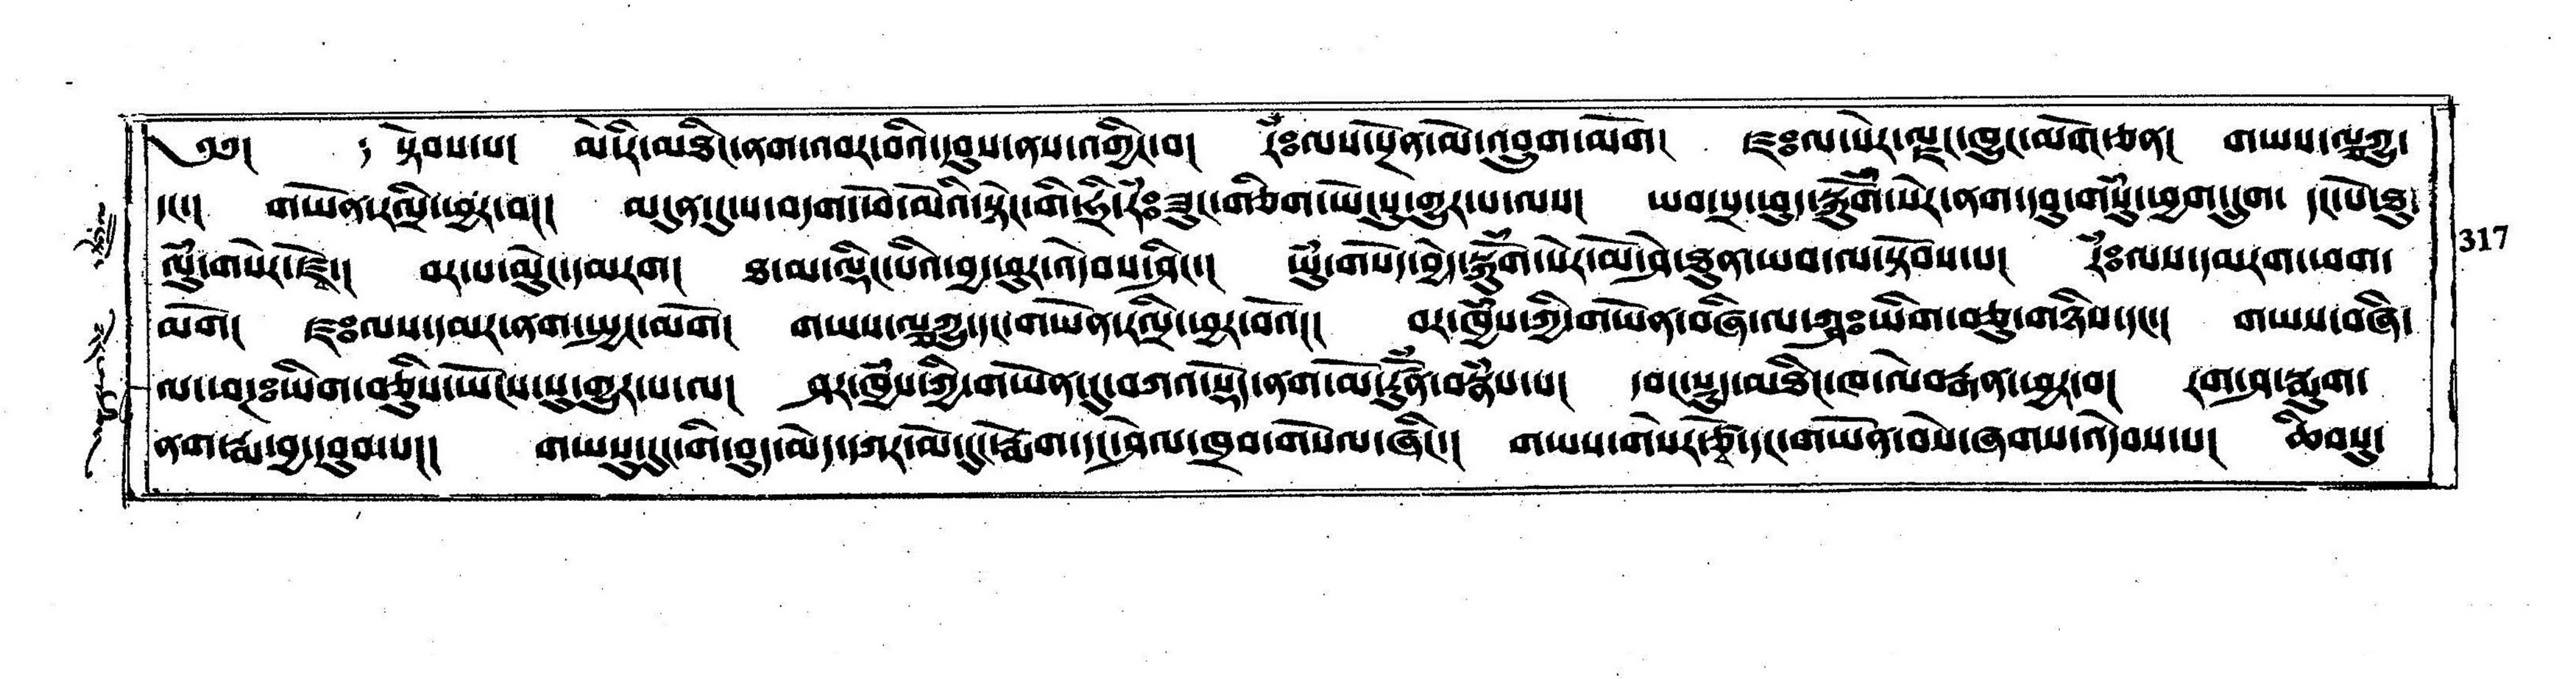སྟོབས་པ། མེ་རི་མཐིང་ནག་འབར་བའི་དབུས་ནས་འགྱིང་བ། རཾཿལས་སྔོན་མོ་འབྲུག་མགོ ཛཿལ་སེར་ལྗང་ཁྱུང་མགོ་ཅན། གཡས་ལྕག་ཀྱུ་
དང་། གཡོན་རལ་གྲི་ཕྱར་བ།། མདུན་དུ་ས་བདག་ཕོ་མོའི་སྟེང་གི་ཧྲི་རཾཿཟུང་གཅིག་ཡོངས་སུ་གྱུར་པ་ལས། ཡབ་པྲ་ཕུད་སྐུ་མདོག་སེར་ནག་དབུ་གསུམ་ཕྱག་དྲུག དང་པོ་ཐུ་
ལུཾ་གསེར་ཛྭོ། བར་པ་མེ་དཔུང་དམར་ནག ཐ་མ་ལྡིང་པའི་བྱ་ཕུར་འདེབས་ཤིང་། ཡུམ་གསོད་བྱེད་སྐུ་མདོག་སེར་མོ་ཤེ་ཐུན་ཡབ་ལ་སྟོབས་པ། རཾཿལས་དམར་ནག་ཕག་
མགོ ཛཿལས་དམར་ནག་སྤྱང་མགོ གཡས་ལྕག་ཀྱུ་དང་གཡོན་རལ་གྲི་ཕྱར་བའོ།། བར་ཁྱམས་ཀྱི་གཡོན་བཞི་ལ་ཀྴཿཡིག་བཅུ་གཉིས་དང་། གཡས་བཞི་
ལ་ཕཊཿཡིག་བཅུ་གཉིས་ཡོངས་སུ་གྱུར་པ་ལ། ཤར་ཁྱམས་ཀྱི་གཡོན་དུ་བཀའ་སྡོད་ནག་མོ་རུ་མཚོན་བསྣམས་པ། དབང་སྡུད་མཐིང་ཁ་ལེབ་རྒན་ཕྱར་བ། རག་ཤ་སྨུག་
ནག་རྨ་བྱ་དབུབ་པ།། གཡས་སུ་དུང་གི་བུད་མེད་དཀར་མོ་དུང་རྨོག་དང་ཤེལ་ཁྲབ་གསོལ་ཞིང་། གཡས་གསེར་ཙྭོ་དང་གཡོན་བསེ་ཞགས་འདེབས་པ། ཆིབས་སུ་